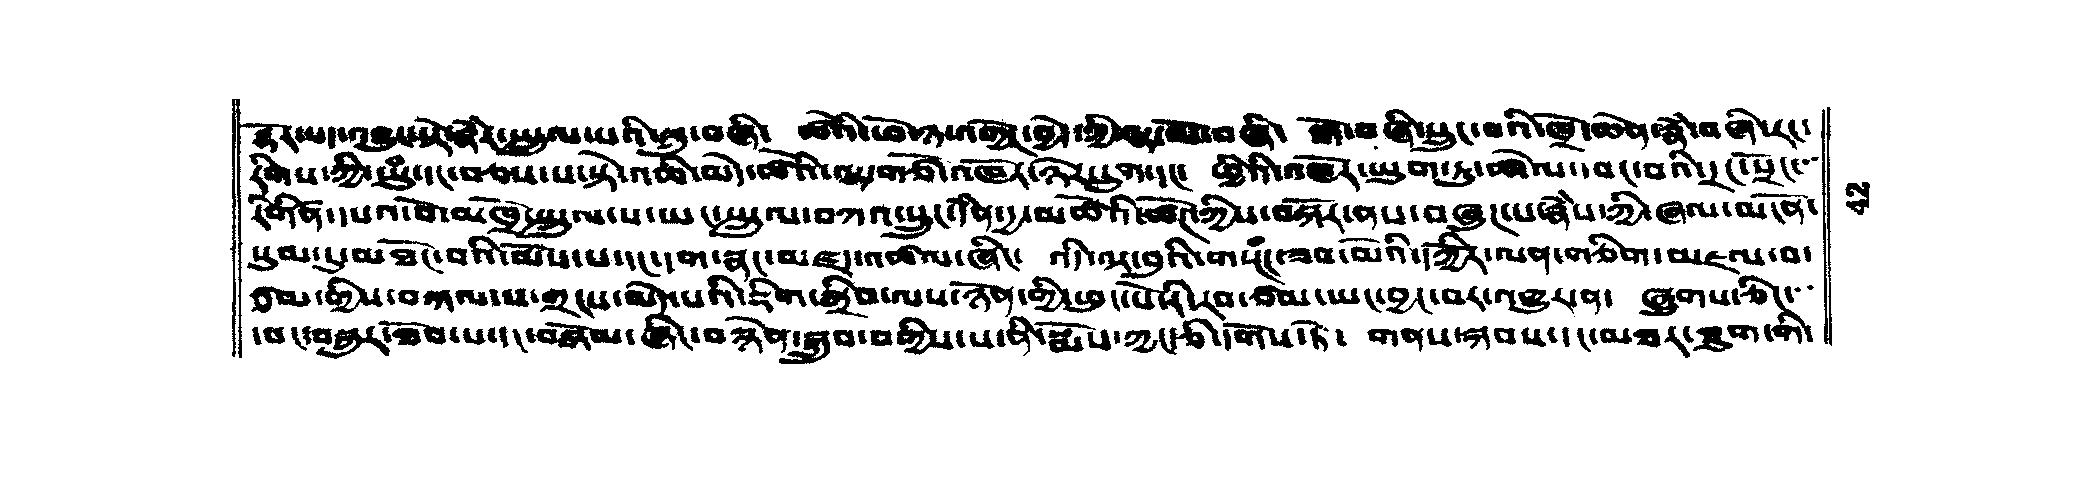རྡོར་པད་འབྱུང་སྟེ་རྣམ་པར་སྤྲུལ་པའི་སྐུ་བཞི། ཚེའི་ཕོ་ཉ་འགྱོགས་བྱེད་ཀྱི་ལྷ་མོ་བཞི། སྒོ་བཞི་སྲུང་བའི་ཁྲོ་ཆེན་རྣམ་བཞི་རང་
རིགས་ཀྱི་ཡབ་ཡུམ་དང་བཅས་པ་སྟེ་འཅེ་མེད་ཚེའི་ལྷ་གཙོ་འཁོར་ཉེར་དྲུག་དང་། ཕྱིའི་འཁོར་ཡུག་ཏུ་ཚེ་ལ་དབང་བའི་དྲང་སྲོང་
རིག་འཛིན་དཔའ་བོ་མཁའ་འགྲོ་སྤྲུལ་པ་ཡང་སྤྲུལ་བཀའ་སྲུང་དམ་ཅན་རྒྱ་མཚོའི་ཚོགས་ཀྱི་བསྐོར་ནས་བཞུགས་པ་རྣམས་ཀྱི་ཞལ་མངོན་
སུམ་དུ་མཐོང་བའི་མོས་པ་དང་དག་སྣང་མཛད་འཚལ་ཞིང་། འདི་ལྟར་བུའི་གསང་སྔགས་ཟབ་མོའི་དཀྱིལ་འཁོར་ལན་གཅིག་མཇལ་བ་
ཙམ་གྱིས་བསྐལ་པ་གྲངས་མེད་པའི་སྡིག་སྒྲིབ་ལས་ཉོན་གྱི་ཕུང་པོ་རི་རབ་ཙམ་ཡང་བྱང་བར་འགྱུར་ན། ཞུགས་ཅིང་
དབང་བསྐུར་ཐོབ་པ་དང་བགོམ་ཞིང་བསྙེན་སྒྲུབ་བགྱིས་པ་ནི་སྨོས་ཀྱང་ཅི་དགོས་ཏེ། གནས་སྐབས་དང་མཐར་ཐུག་གི་